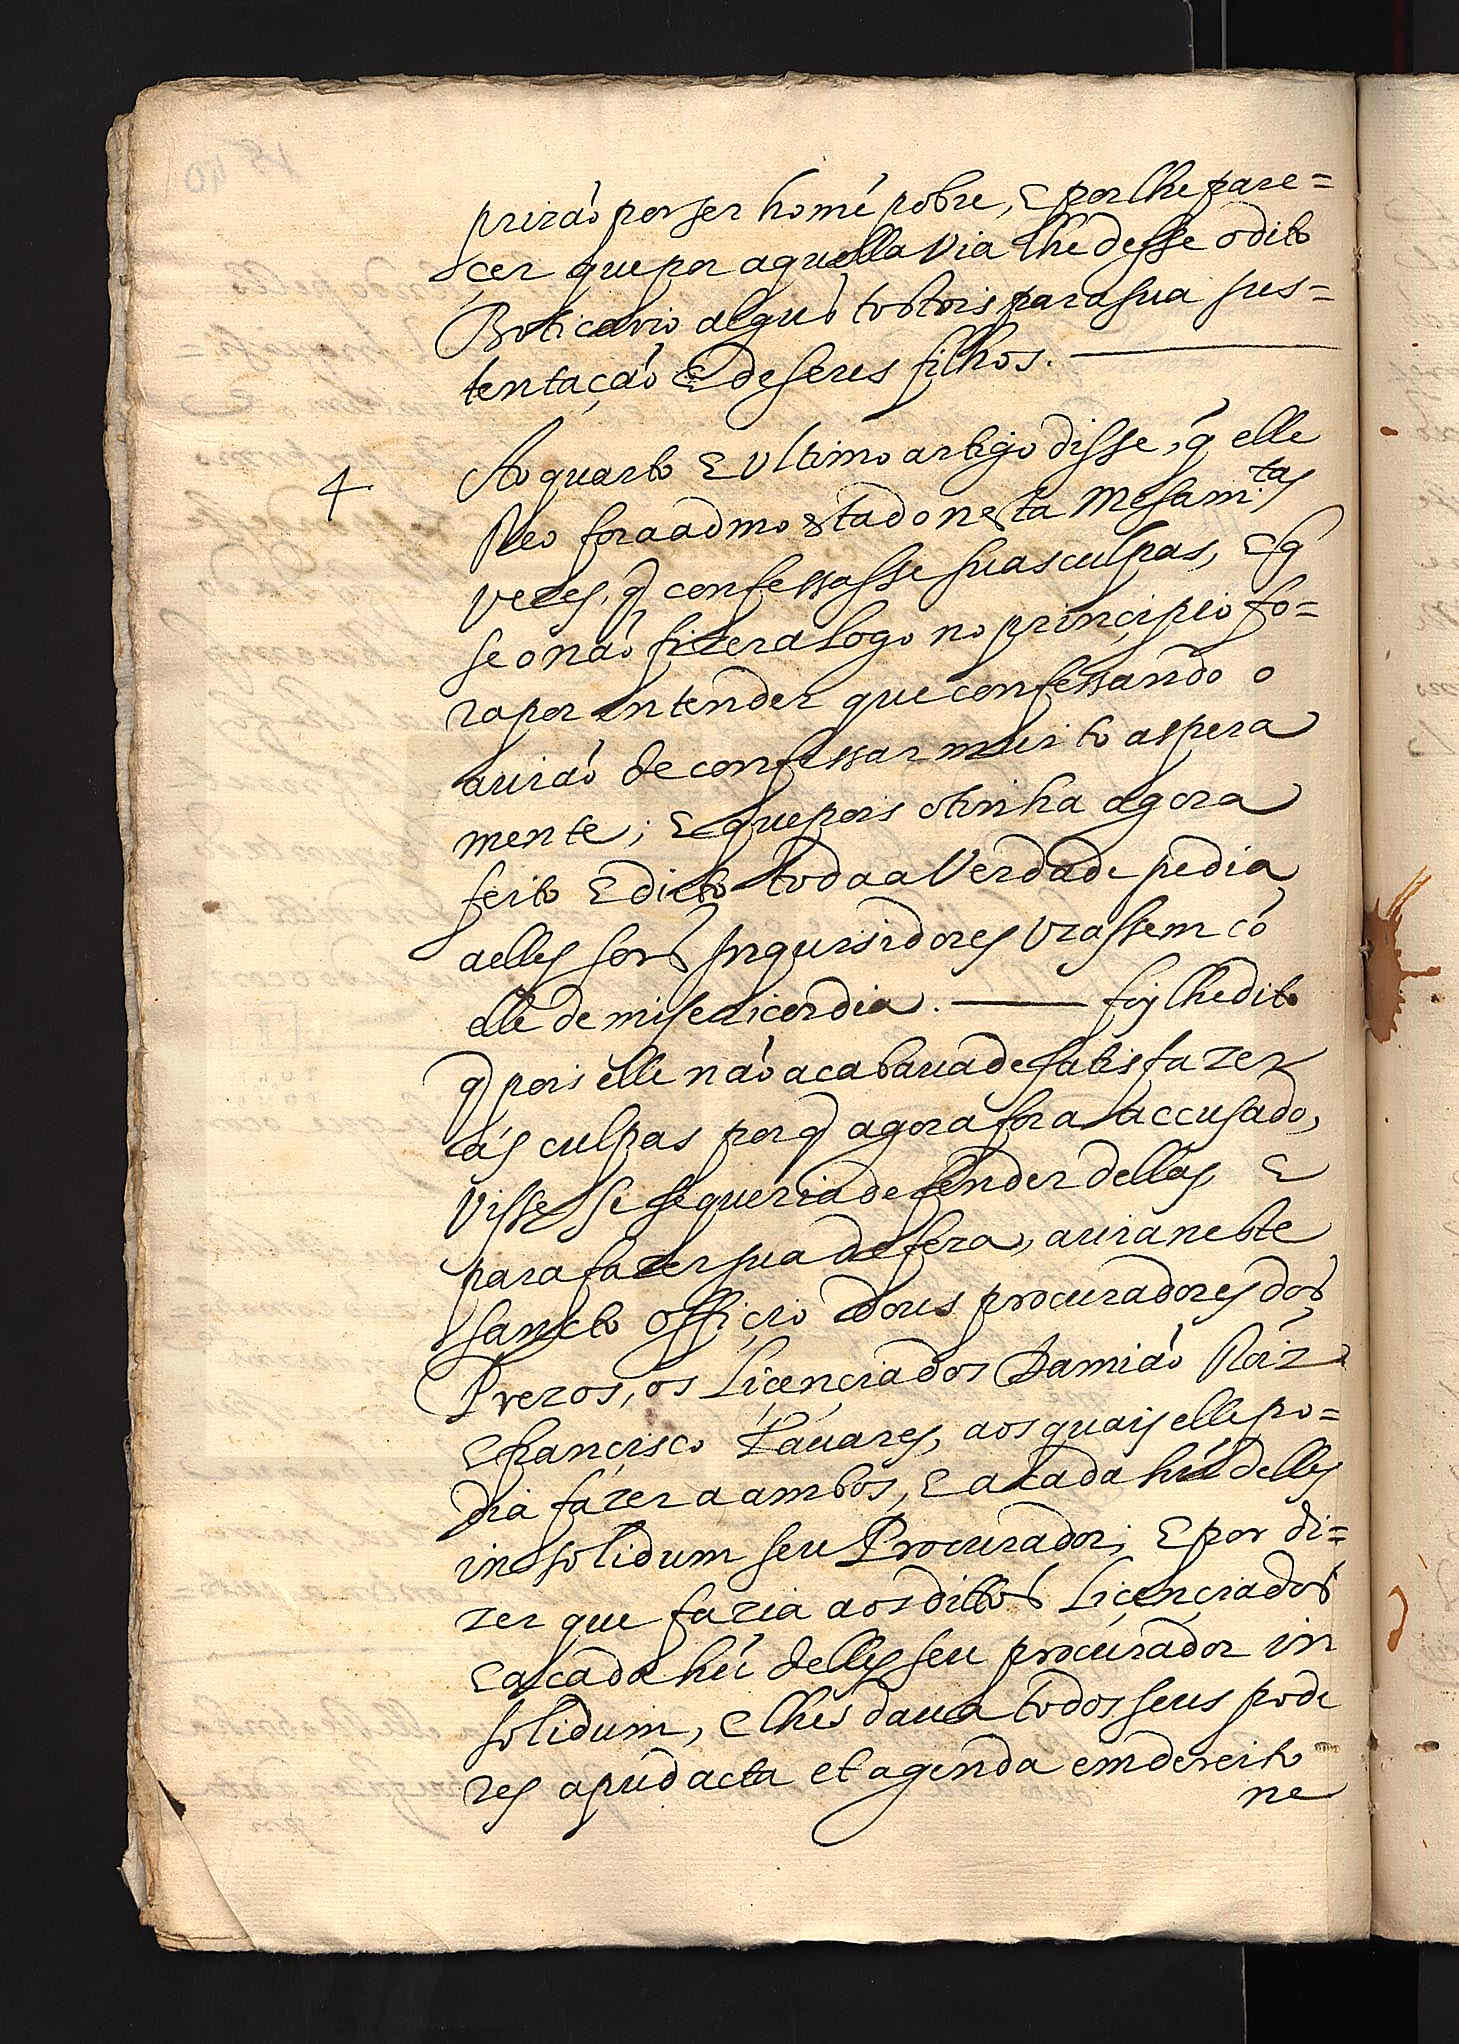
prizão por ser home̅ pobre, E por lhe pare
çer que por aquella via lhe desse o dito
Boticario algus̅ tostois para sua sus
tentação E de seus filhos.
Ao quarto E ultimo artigo disse, q̅ elle
Reo fora admostado nesta mesa m.tas
vezes, q̅ confessasse suas culpas, E q̅
se o não fizera Logo no prinçipio fo
ra por entender que confessando o
auião de confessar muito aspera
mente; E que pois o tinha agora
feito E dicto toda a Verdade pedia
a elles sors̅ Jnquisidores vzassem co̅
elle de misericordia. foy lhe dito
q̅ pois elle não acabaua de satisfazer
ás culpas porq̅ agora fora accusado,
Visse se se queria defender dellas, E
para fazer sua defeza, auia neste
Sancto offiçio dous procuradores dos
Prezos, os Liçençiados Damião Roi̅z
E françisco Tauares, aos quais elle po
dia fazer a ambos, E a cada hu̅ delles
in solidum seu Procurador; E por di
zer que fazia aos dittos Liçençiados
E a cada hu̅ delles seu procurador in
solidum, e lhes daua todos seus pode
res apud acta et agenda em dereito
